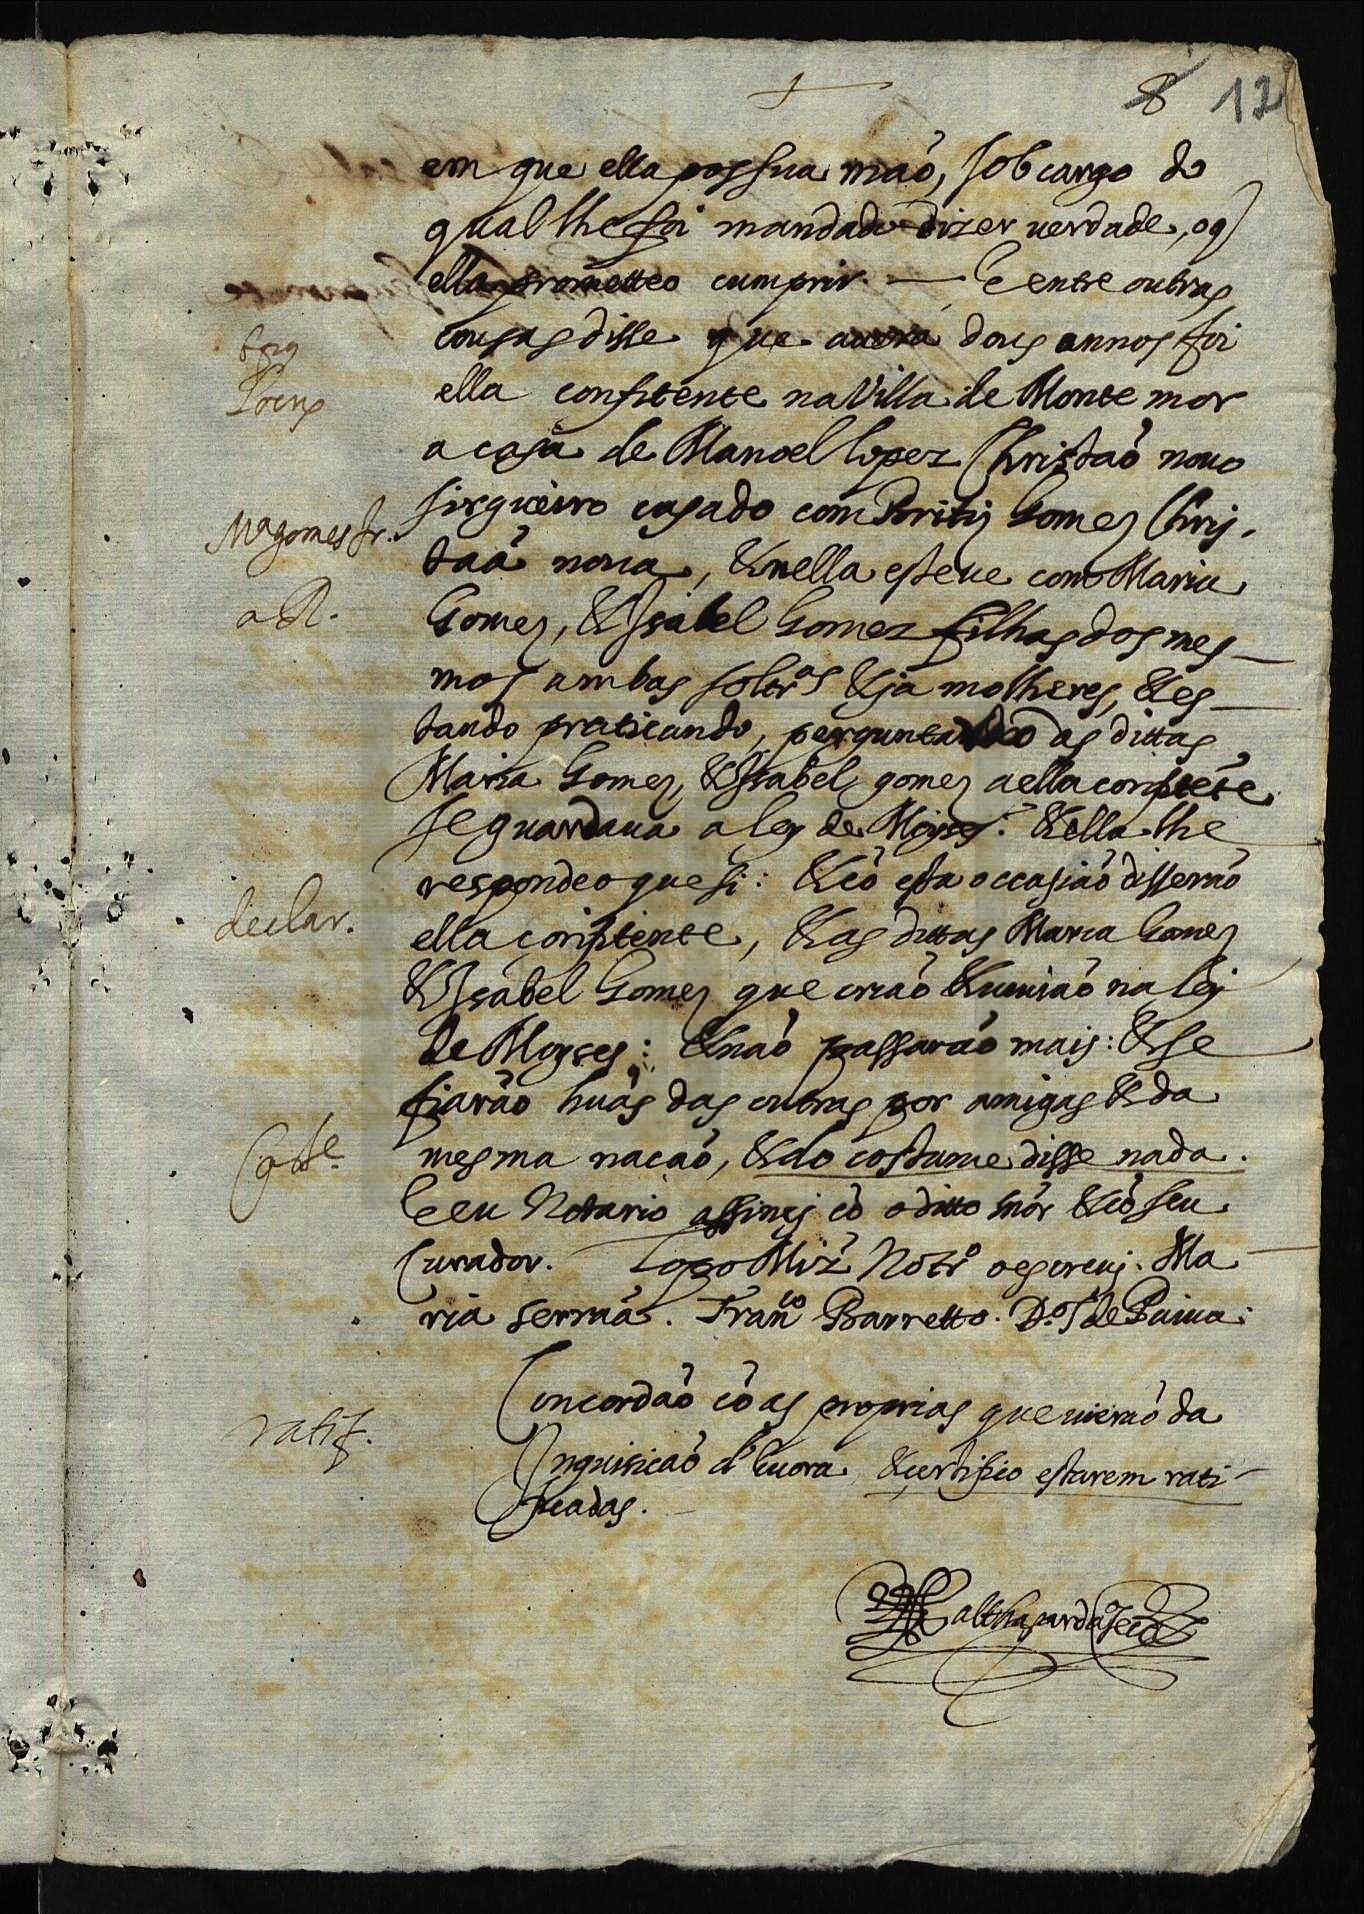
tpꝯ
locus
Ma gomes Jr.
a R.
declar
Cost.e
ratif.
em que ella pos sua maõ, sob cargo do
qual lhe foi mandado dizer uerdade, o q̄
ella prometteo cumprir – E entre outras
cousas disse que auerá dous annos foi
ella confitente na Villa de Montemor
a casa de Manoel lopez Christaõ nouo
sirgueiro casado com Britiz Gomez Chris
taā noua, & nella esteue com Maria
Gomez, & Jsabel Gomez filhas dos mes
mos ambas soltras & ja molheres, & es
tando praticando, perguntaraõ as dittas
Maria Gomez, & Jsabel gomez a ella confitēte
se guardaua a ley de Moyses? & ella lhe
respondeo que si: & cō esta occasiaõ disseraõ
ella confitente, & as dittas Maria Gomez
& Jsabel Gomez que criaõ & uiuiaõ na ley
de Moyses: & naõ passaraõ mais: & se
fiarão huās das outras por amigas & da
mesma naçaõ, & do costume disse nada.
E eu Notario assinej cō o ditto snōr & cō seu
Curador. Lopo Miz̄ Notro o escreuj. Ma
ria Serraā. Franco Barretto. D.os de Paiua.
Concordaõ cō as proprias que uieraõ da
Jnquisiçaõ d'Euora & certifico estarem rati
ficadas.
balthasar daoseca
